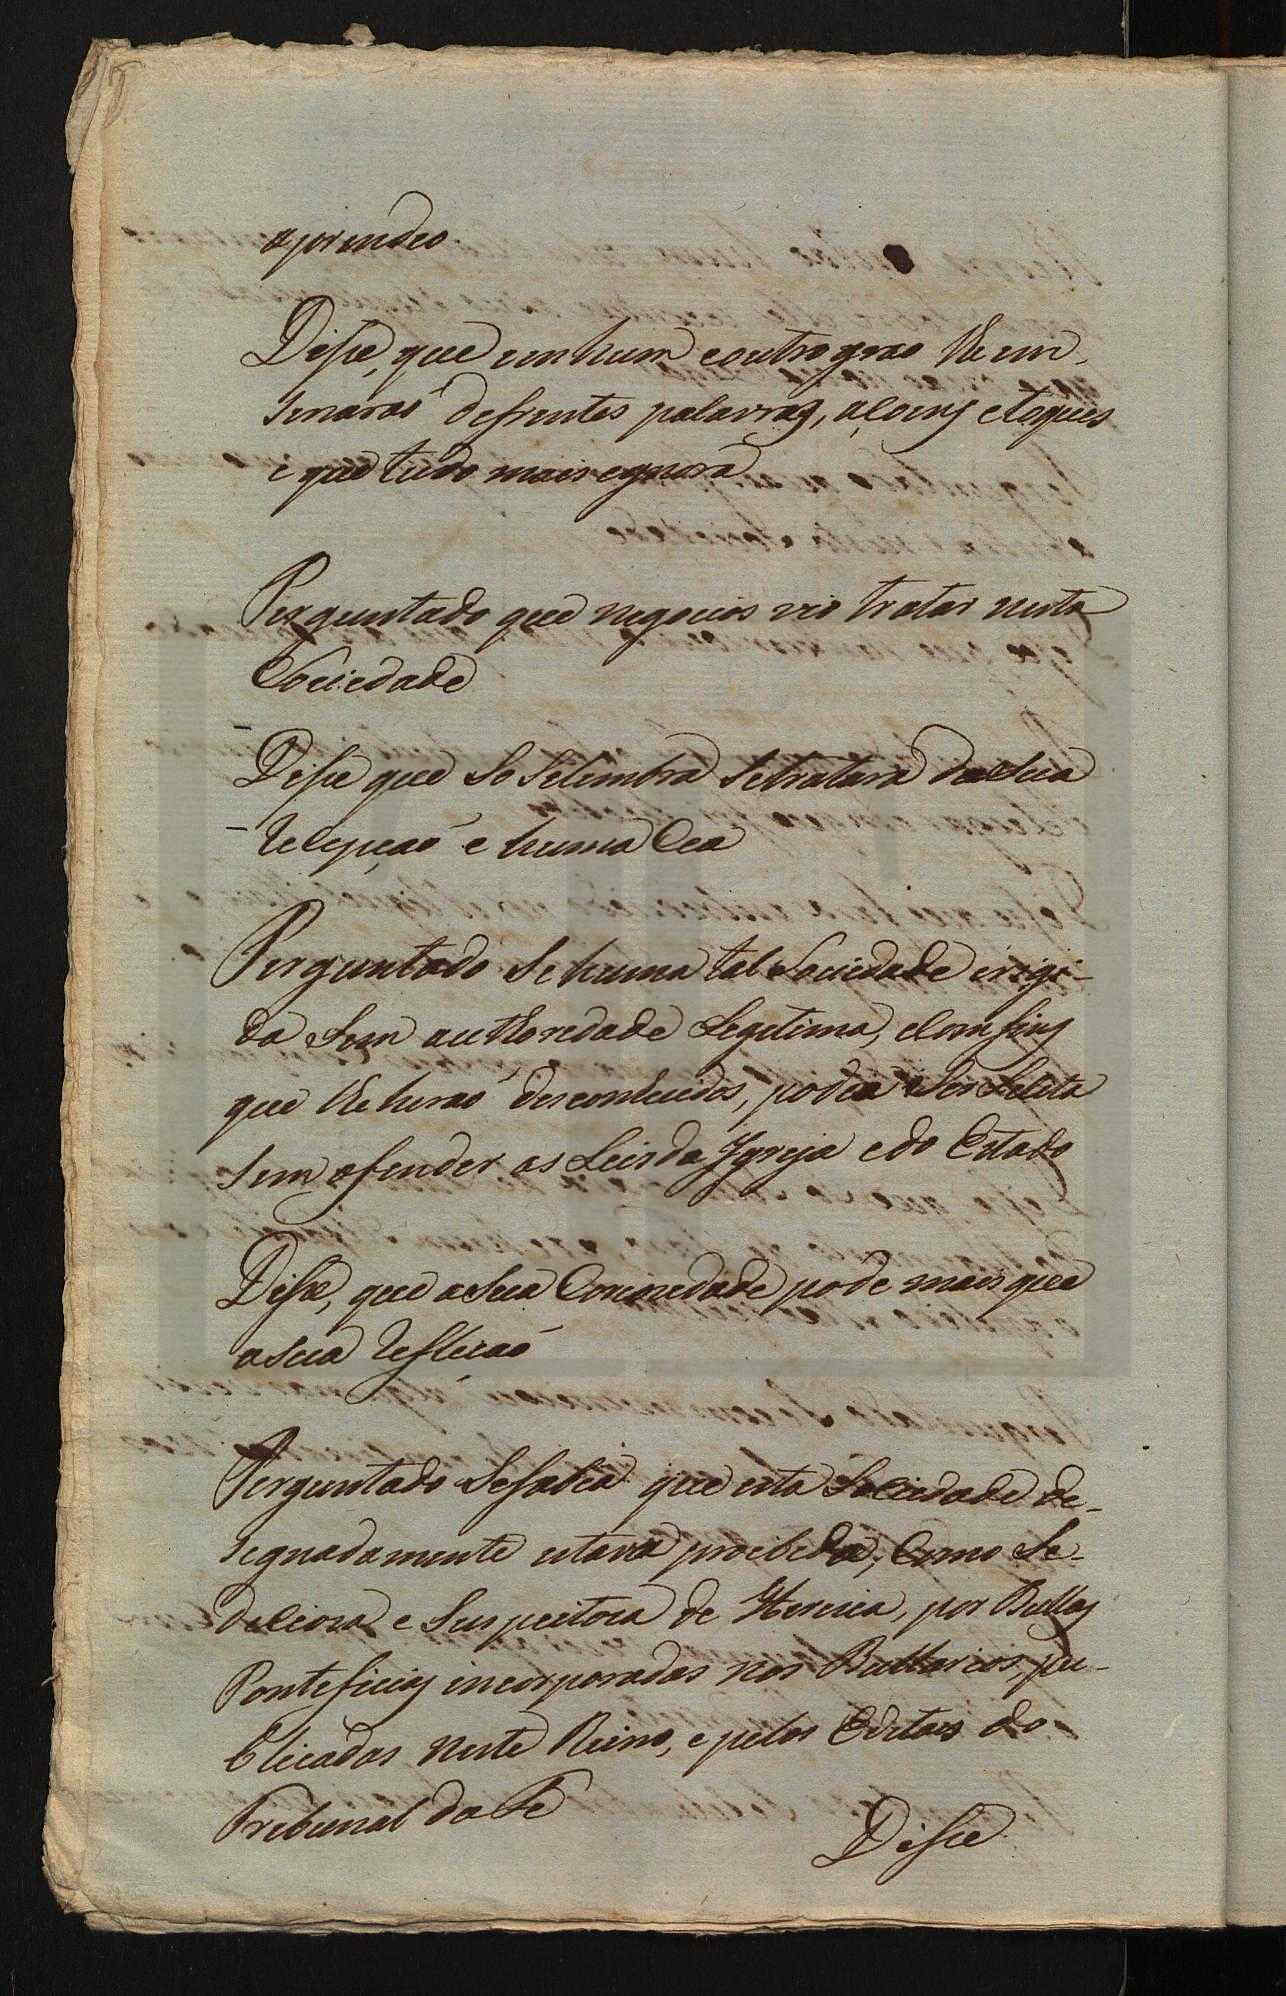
aprendeo.
Disse, que em hum e outro graõ lhe em
sinaraõ defrentes palavras, açoens e toques
e que tudo mais egnora.
Perguntado que negocios vio tratar nesta
Sociedade
Disse que So Se lembra se tratara da sua
Recepçaõ e huma Cea
Perguntado se huma tal Sociedade erigi
da Sem authoridade Legitima, e com fins
que lhe heraõ desconhecidos, podia Ser LeCita
sem ofender as Leis da Jgreja e do Estado
Disse, que a Sua Coriuzedade pode mais que
a sua Refleçaõ
Perguntado Se sabia que esta Sociedade de
segnadamente estava proibida, Como Se
decioza e Suspeitoza de Heresia, por Bullas
Ponteficias incorporadas nos Bullarios, pu
blicadas neste Reino, e pelos Editaes do
Tribunal da Fe
Disse
